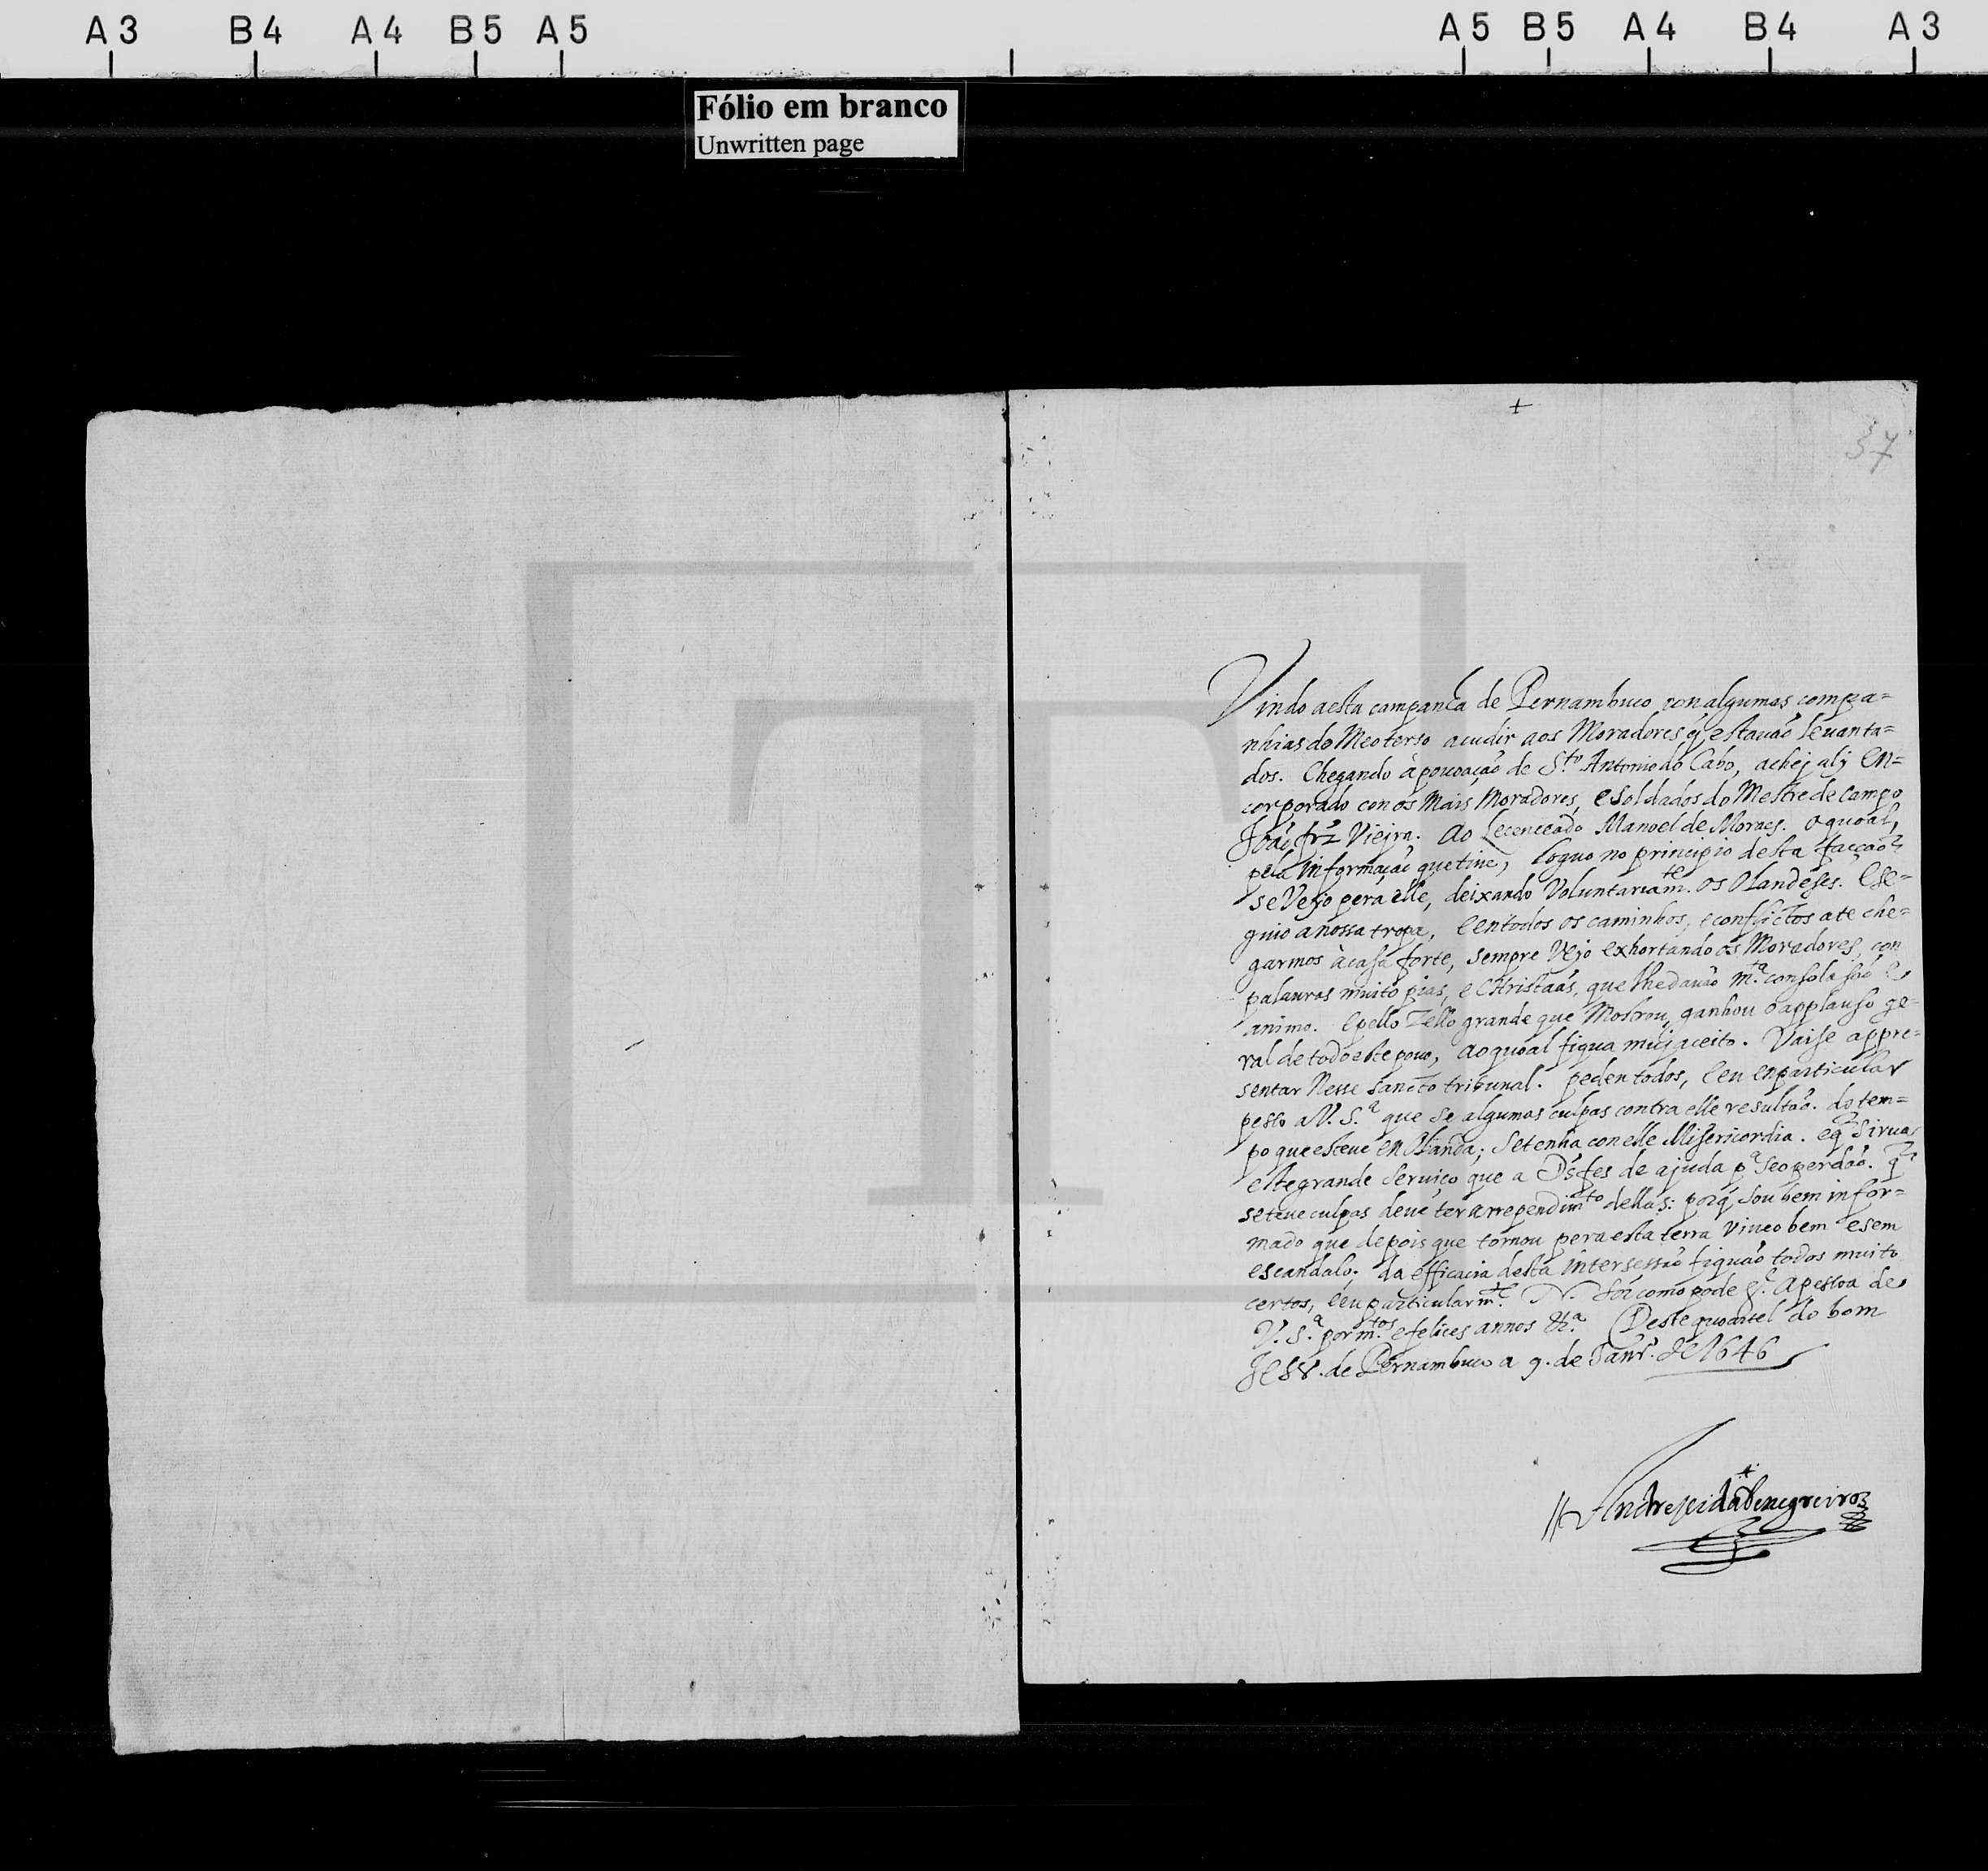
Vindo a esta campanha de Pernambuco con algumas compa
nhias do Meo terso acudir aos Moradores q̄ estauaõ leuanta
dos. Chegando à pouoaçaõ de S.to Antonio do Cabo, achej aly en
corporado con os mais moradores, e soldados do Mestre de campo
Joaõ frz̄ Viejra. ao Lecenceado Manoel de Moraes. o quoal,
pela informaçaõ que tiue, loguo no principio desta facçaõ
se Veyo pera elle, deixando Voluntariam.te os Olandeses. E se
guio a nossa tropa, e en todos os caminhos, e conflictos ate che
garmos à casa forte, sempre vejo exhortando os moradores con
palauras muito pias, e cHristaās, que lhe dauão m.ta consolasaõ E
animo. E pello Zello grande que Mostrou, ganhou o applauso ge
ral de todo este pouo, ao quoal fiqua muj aceito. Vaise appre
sentar Nesse sancto tribunal. peden todos, E eu en particular
pesso V. S.a que se algumas culpas contra elle resultaõ do tem
po que esteue en Olanda; se tenha con elle Misericordia. e q̄ sirua
este grande seruiço que a Ds̄ fes de ajuda pa seo perdaõ. q̄
se teue culpas deue ter arrependimto dellas: porq̄ sou bem infor
mado que depois que tornou pera esta terra viueo bem e sem
escandalo; da efficacia della intersessaõ fiquaõ todos muito
certos, e eu particularmte. N. Sor̄ como pode ge a pessoa de
V. S.a por m.tos e felices annos &a. Deste quoartel do bom
Jesv. de Pernambuco a 9. de Janro. de 1646
Andre Vidal e negreiros
